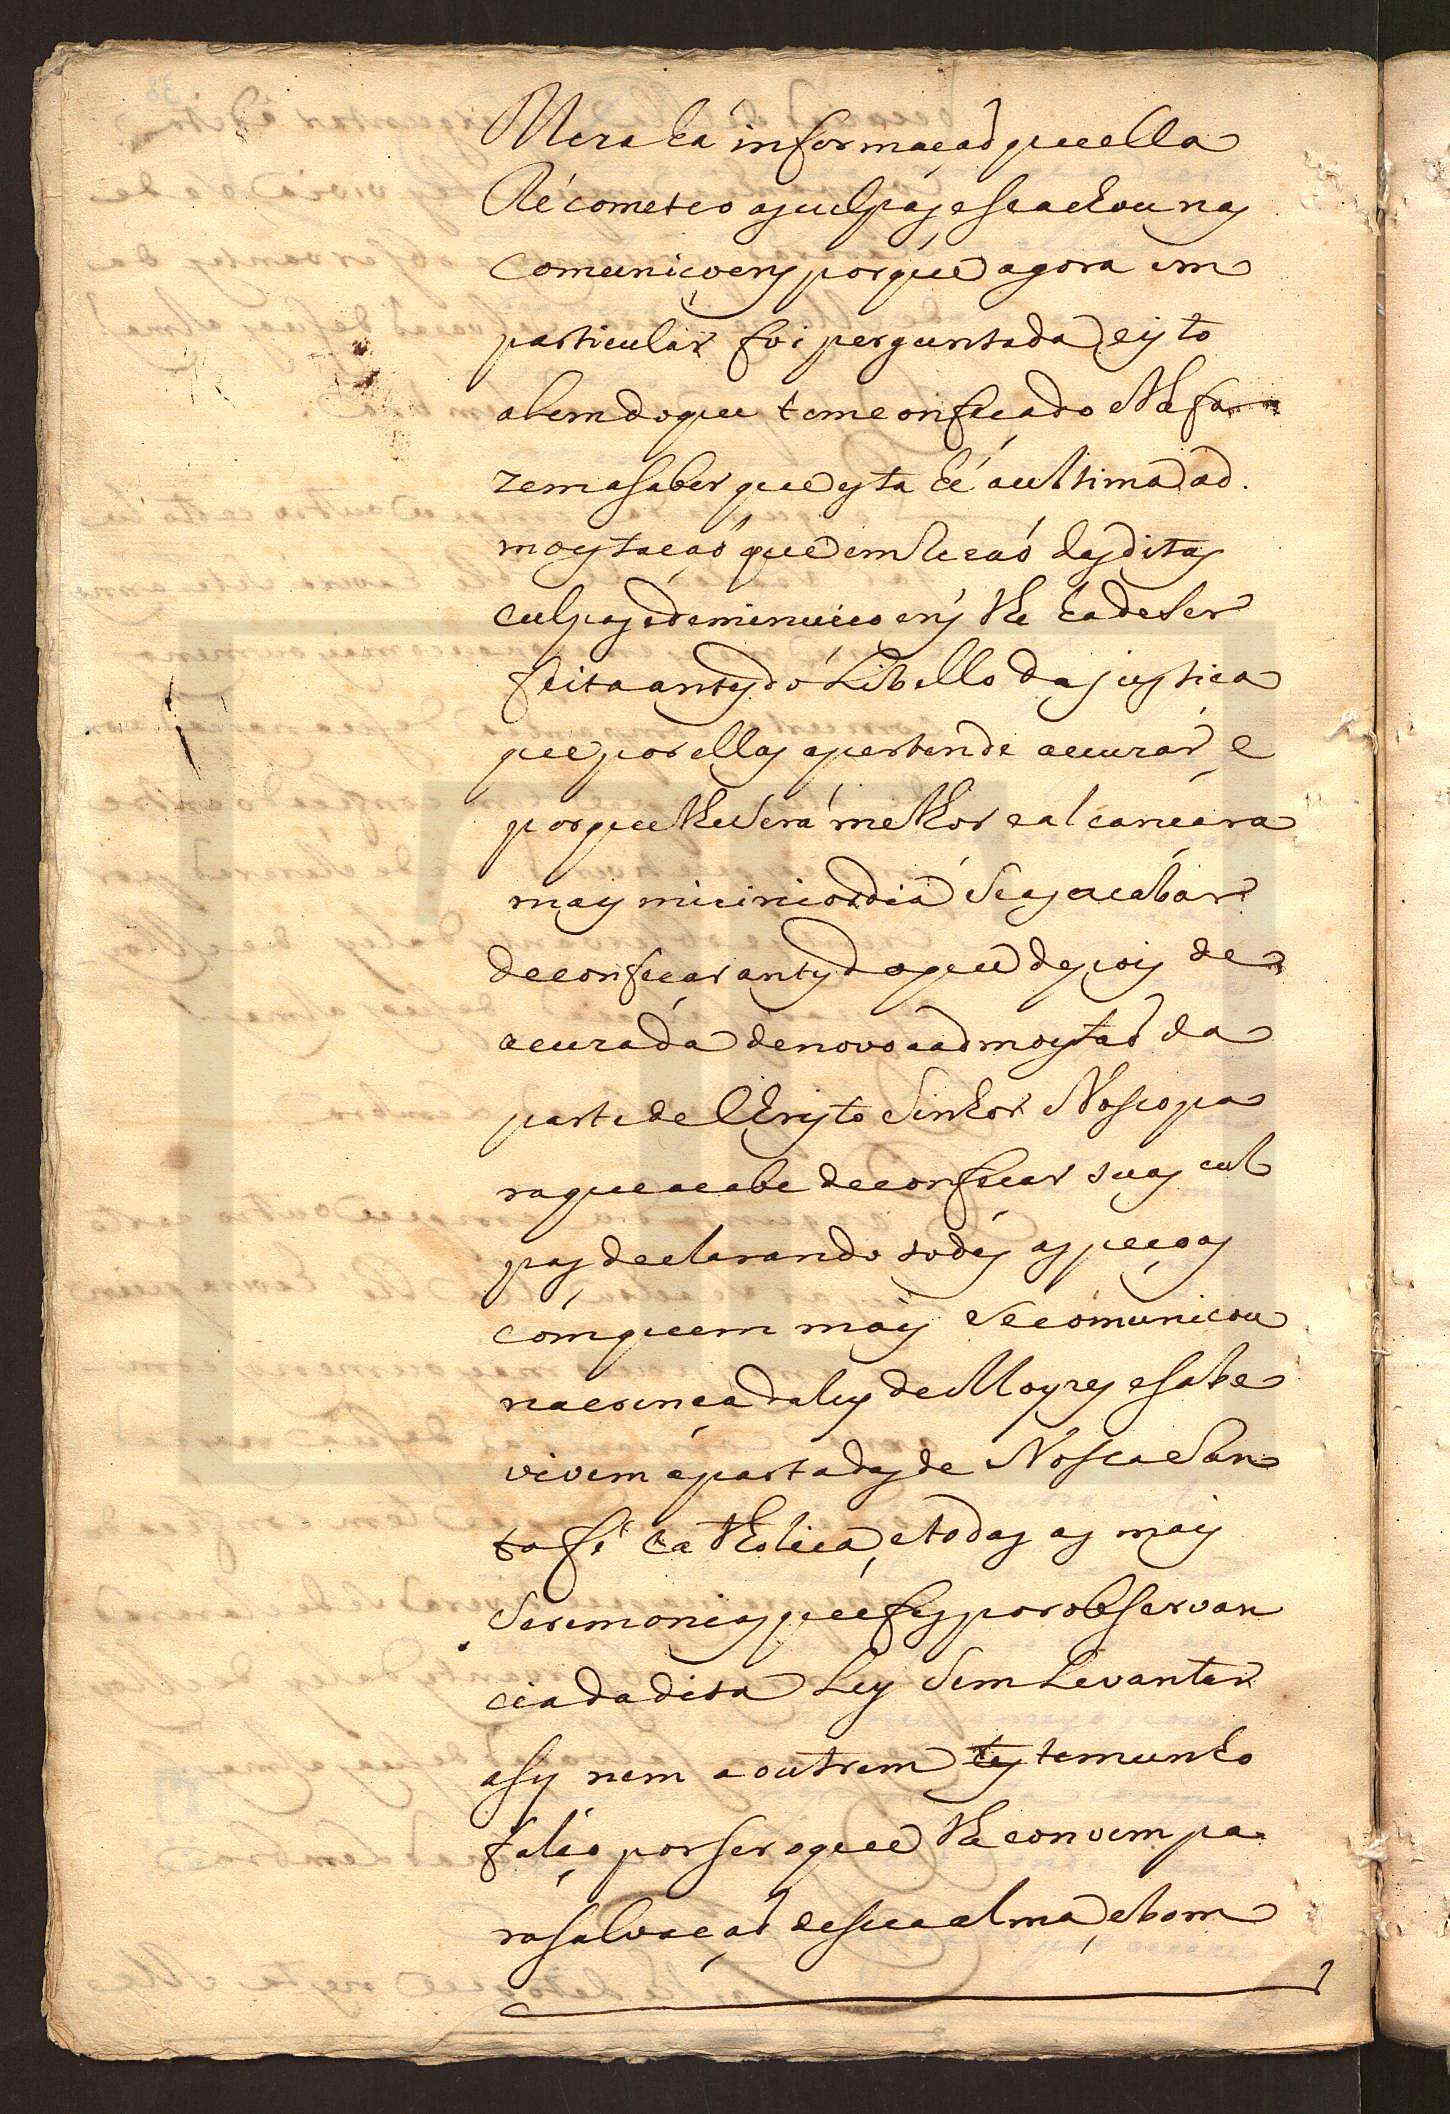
Meza há informaçaõ que ella
Ré cometeo as culpas, e se achou nas
comuniçoens porque agora em
particular foi perguntada e isto
alem do que tem confeçado ella fa
zem a saber que esta hé a ultima ad
moestaçaõ que em Rezaõ das ditas
culpas e deminuiçoeñs lhe ha de Ser
feita antes do Libello da justiça
que por ellas a pertende accuzar, e
porque lhe será melhor e alcançara
mais miziricordia se as acabar
de confeçar antes do que depois de
acuzada de novo e admoestaõ da
parte de Christo Senhor Nosso pa
ra que acabe de confeçar suas cul
pas, declarando todas as peçoas
com quem mais se comunicou
na crença da ley de Moyzes e sabe
vivem apartadas de Nossa San
ta fé catholica, e todas as mais
Seremonias que fes por observan
cia da dita Ley sem Levantar
asy nem a outrem testemunho
falço por ser o que lhe convem pa
ra salvaçaõ de sua alma, e bom
